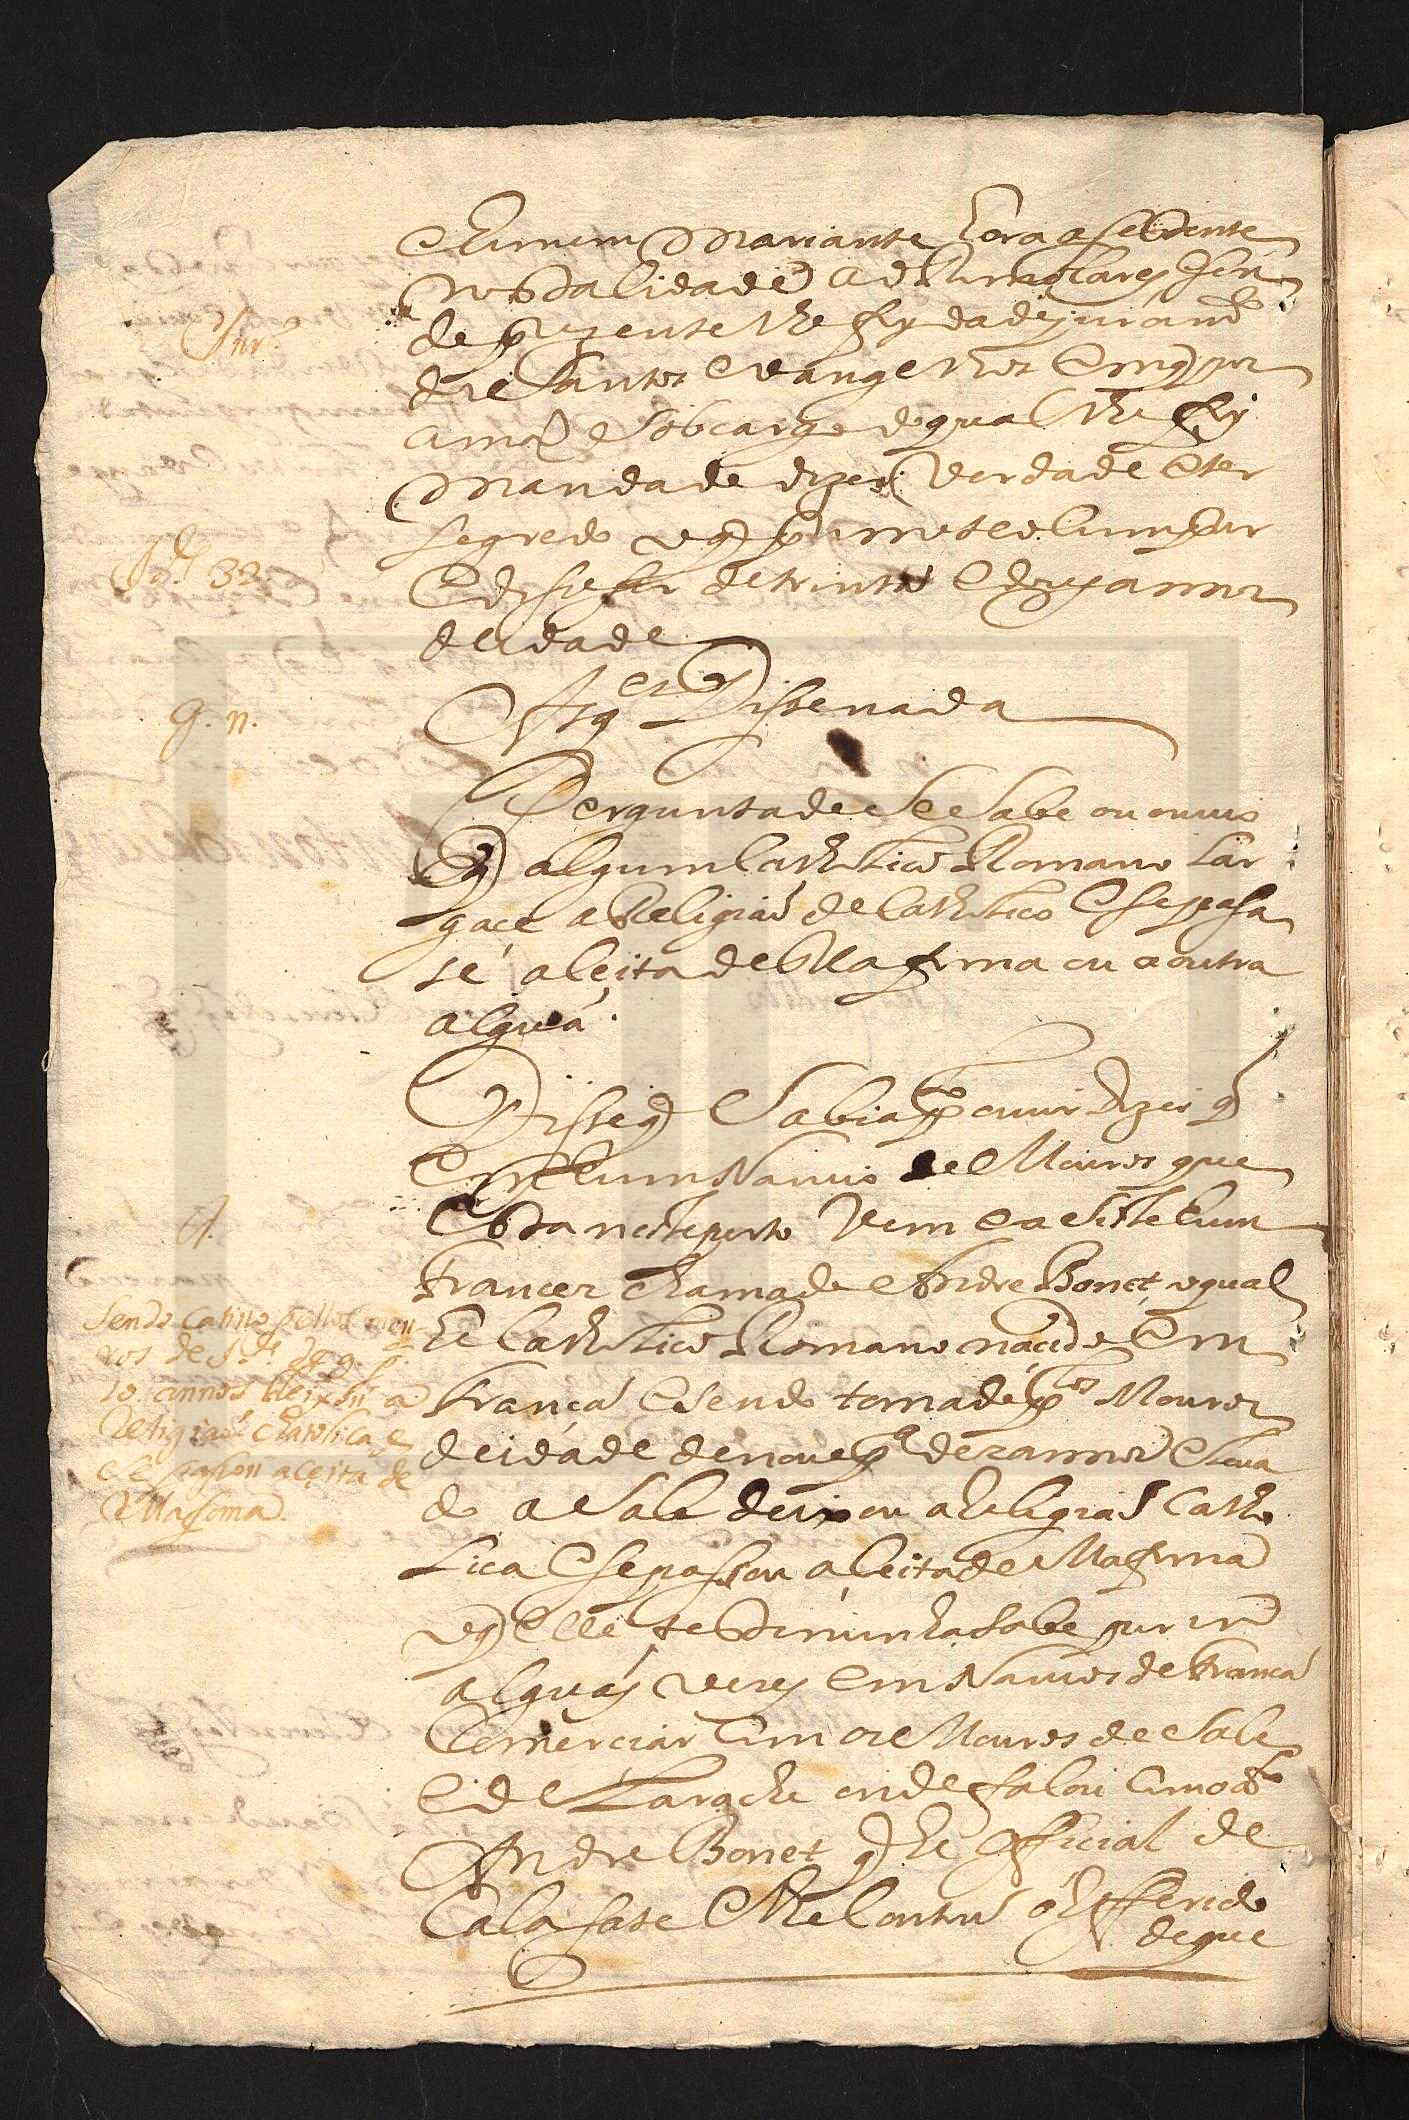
Iur.o
g. n.
R.
sendo catiuo pellos mou
ros de I.de de 9. pa.
10 annos deixou a
Religiaõ chatolica, e
se passou a ceita de
Mafoma.
e homem mariante hora asistente
nesta cidade ao Remolares, e sen
do prezente lhe foy dado juramto
dos Santos evangelhos Em q̄ pos
a maõ Sob cargo do qual lhe foy
mandado dizer verdade e ter
segredo o q̄ prometeo cumprir
E disse ser de trinta e dous annos
de idade
As qes Disse nada
Perguntado Se Sabe ou ouuio
q̄ algum Catholico Romano Lar
gaçe a Religiaõ de Catholico e se pasa
se a Ceita de Mafoma, ou a outra
alguā.
Disse q̄ Sabia pLo ouui dizer q̄
Em hum Nauio de Moiros que
Esta neste porto Vem e asiste hum
Francez, chamado Andre Bonet, o qual
he CathoLico Romano nacido Em
França e sendo tomado pLos Mouros
de idade de noue pa dez annos e Leua
do a Sale deixou a Religiaõ Catho
Lica e se passou a Ceita de Mafoma
o q̄ elle testemunha sabe por ir
alguās vezes em Nauios de Franca
Comerciar Com os Mouros de Sale
e de Larache onde falou com o d̄o
Andre Bonet q̄ he official de
Calafate e lhe Contou o Referido
de que
